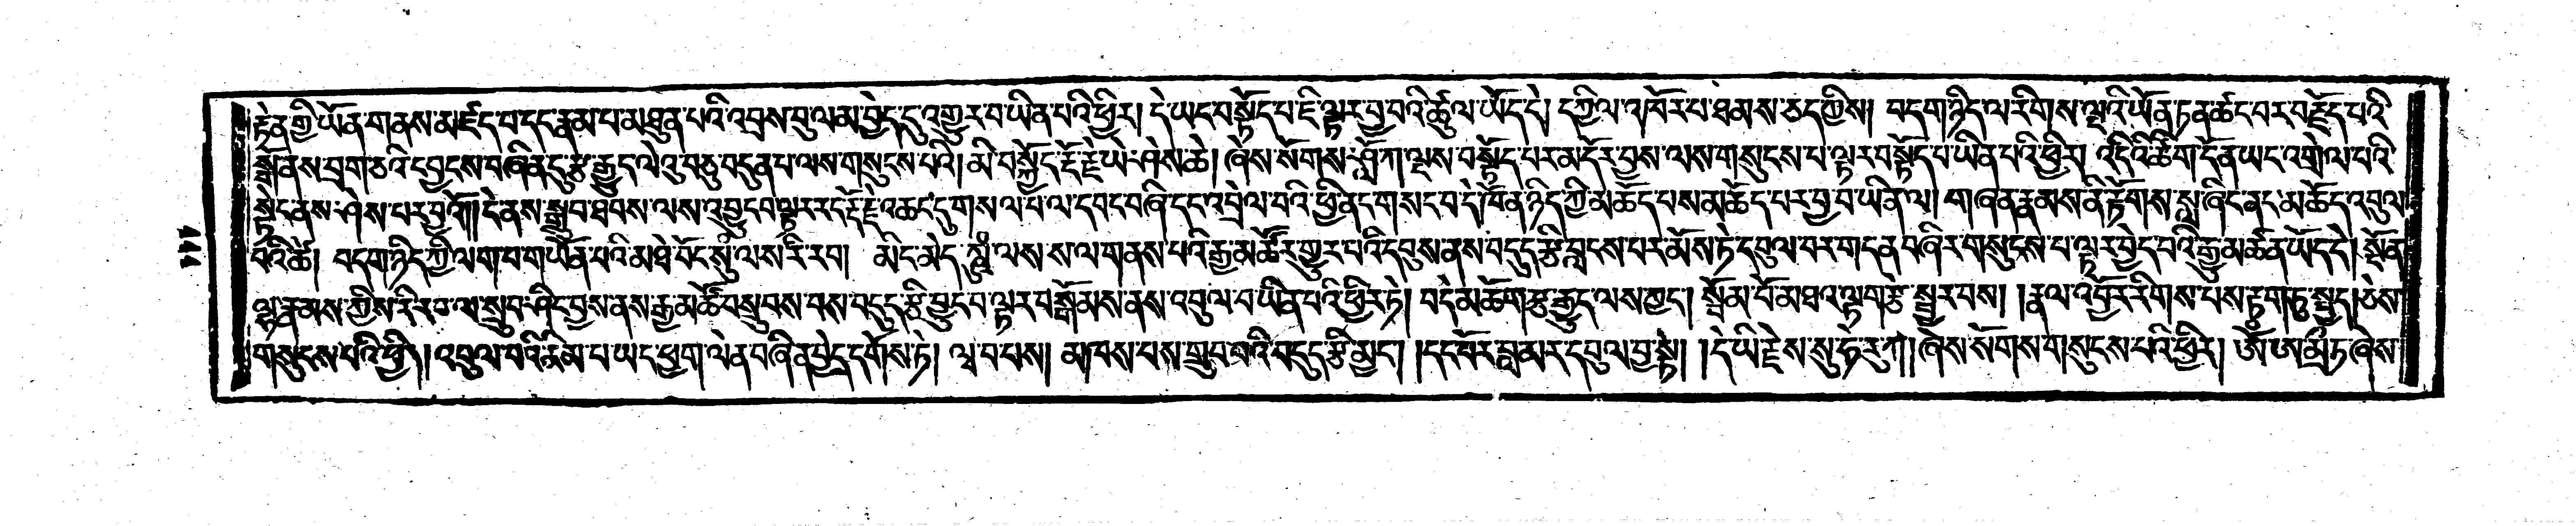རྟེན་གྱི་ཡོན་གནས་མཛད་པ་དང་རྣམ་པ་མཐུན་པའི་འབྲས་བུ་ལམ་བྱེད་དུ་འགྱུར་བ་ཡིན་པའི་ཕྱིར། དེ་ཡང་བསྟོད་པ་ཇི་ལྟར་བྱ་བའི་ཚུལ་ཡོད་དེ། དཀྱིལ་འཁོར་པ་ཐམས་ཅད་ཀྱིས། བདག་ཉིད་ལ་རིགས་ལྔའི་ཡོན་ཏན་ཚང་བར་བརྗོད་པའི་
སྒོ་ནས་བྲག་ཅའི་དབྱངས་བཞིན་དུ་རྩ་རྒྱུད་ལེའུ་བཅུ་བདུན་པ་ལས་གསུངས་པའི། མི་བསྐྱོད་རྡོ་རྗེ་ཡེ་ཤེས་ཆེ། ཞེས་སོགས་ཤློ་ཀ་ལྔས་བསྟོད་པར་མདོར་བྱས་ལས་གསུངས་པ་ལྟར་བསྟོད་པ་ཡིན་པའི་ཕྱིར། འདིའི་ཚིག་དོན་ཡང་འགྲེལ་བའི་
སྟེང་ནས་ཤེས་པར་བྱའོ། །དེ་ནས་སྒྲུབ་ཐབས་ལས་འབྱུང་བ་ལྟར་རང་རྡོ་རྗེ་འཆང་དུ་གསལ་བ་ལ་དབང་བཞི་དང་འབྲེལ་བའི་ཕྱི་ནང་གསང་བ་དེ་ཁོ་ན་ཉིད་ཀྱི་མཆོད་པས་མཆོད་པར་བྱ་བ་ཡིན་ལ། གཞན་རྣམས་ནི་རྟོགས་སླ་ཞིང་ནང་མཆོད་འབུལ་
བའི་ཚེ། བདག་ཉིད་ཀྱི་ལག་པ་གཡོན་པའི་མཐེ་བོང་སུཾ་ལས་རི་རབ། མིང་མེད་ཀྵུཾ་ལས་ས་ལ་གནས་པའི་རྒྱ་མཚོར་གྱུར་བའི་དབུས་ནས་བདུད་རྩི་བླངས་པར་མོས་ཏེ་དབུལ་བར་གདན་བཞིར་གསུངས་པ་ལྟར་བྱེད་པའི་རྒྱུ་མཚན་ཡོད་དེ། སྔོན་
ལྷ་རྣམས་ཀྱིས་རི་རབ་ལ་སྲུབ་ཤིང་བྱས་ནས་རྒྱ་མཚོ་བསྲུབས་པས་བདུད་རྩི་བྱུང་བ་ལྟར་བསྒོམས་ནས་འབུལ་བ་ཡིན་པའི་ཕྱིར་ཏེ། བདེ་མཆོག་རྩ་རྒྱུད་ལས་ཀྱང་། སྦོམ་པོ་མཐའ་ལྟག་རྩེ་སྦྱར་བས། །རྣལ་འབྱོར་རིགས་པས་རྟག་ཏུ་སྤྱད། ཅེས་
གསུངས་པའི་ཕྱིར། འབུལ་བའི་རིམ་པ་ཡང་ཕྱག་ལེན་བཞིན་བྱེད་དགོས་ཏེ། ལྭ་བ་པས། མཁས་པས་གྲུབ་པའི་བདུད་རྩི་མྱང་། །དང་པོར་བླ་མར་དབུལ་བྱ་སྟེ། །དེ་ཡི་རྗེས་སུ་ཧེ་རུ་ཀ། ཞེས་སོགས་གསུངས་པའི་ཕྱིར། ཨོཾ་ཨ་མྲྀཏ་ཞེས་